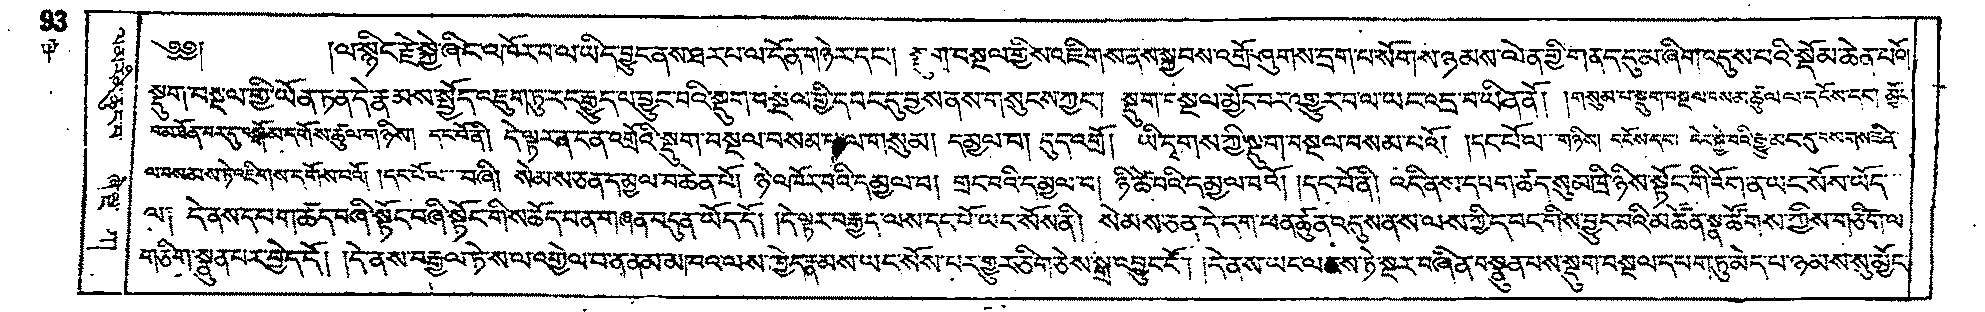༄༅། །ལ་རྙིང་རྗེ་སྐྱེ་ཞིང་འཁོར་བ་ལ་ཡིད་བྱུང་ནས་ཐར་པ་ལ་དོན་གཉེར་དང་། སྡུག་བསྔལ་གྱིས་འཇིགས་ནས་སྐྱབས་འགྲོ་ཤུགས་དྲག་པ་སོགས་ཉམས་ལེན་གྱི་གནད་དུ་མ་ཞིག་འདུས་པའི་སྡོམ་ཆེན་པའོ།
སྡུག་བསྔལ་གྱི་ཡོན་ཏན་དེ་རྣམས་སྤྱོད་འཇུག་ཏུ་རང་རྒྱུད་ལ་བྱུང་བའི་སྡུག་བསྔལ་གྱི་དབང་དུ་བྱས་ནས་གསུངས་ཀྱང་། སྡུག་བསྔལ་མྱོང་བར་འགྱུར་བ་ལ་ཡང་འདྲ་བ་ཡིན་ནོ། །གསུམ་པ་སྡུག་བསྔལ་བསམ་ཚུལ་ལ་དངོས་དང་། མྱོང་
བ་མ་ཐོན་བར་དུ་བསྒོམ་དགོས་ཚུལ་གཉིས། དང་པོ་ནི། དེ་ལྟར་ན་ངན་འགྲོའི་སྡུག་བསྔལ་བསམ་པ་ལ་གསུམ། དམྱལ་བ། དུད་འགྲོ། ཡི་དྭགས་ཀྱིས་སྡུག་བསྔལ་བསམ་པའོ། །དང་པོ་ལགཉིས། དངོས་དང་། དེར་སྐྱེ་བའི་རྒྱུ་མང་དུ་བསགས་ཟིན་
ལ་བསམས་ཏེ་འཇིགས་དགོས་པའོ། །དང་པོ་ལབཞི། སེམས་ཅན་དམྱལ་བ་ཆེན་པོ། ཉེ་འཁོར་བའི་དམྱལ་བ། གྲང་བའི་དམྱལ་བ། ཉི་ཚེ་བའི་དམྱལ་བའོ། །དང་པོ་ནི། འདི་ནས་དཔག་ཚད་སུམ་ཁྲི་ཉིས་སྟོང་གི་འོག་ན་ཡང་སོས་ཡོད་
ལ༑ དེ་ནས་དཔག་ཚད་བཞི་སྟོང་བཞི་སྟོང་གིས་ཆོད་པ་ན་གཞན་བདུན་ཡོད་དོ། །དེ་ལྟར་བརྒྱད་ལས་དང་པོ་ཡང་སོས་ནི། སེམས་ཅན་དེ་དག་ཕན་ཚུན་འདུས་ནས་ལས་ཀྱི་དབང་གིས་བྱུང་བའི་མཚོན་སྣ་ཚོགས་ཀྱིས་གཅིག་ལ་
གཅིག་སྣུན་པར་བྱེད་དོ། །དེ་ནས་བརྒྱལ་ཏེ་ས་ལ་འགྱེལ་བ་ན་ནམ་མཁའ་ལས་ཁྱེད་རྣམས་ཡང་སོས་པར་གྱུར་ཅིག་ཅེས་སྒྲ་འབྱུང་ངོ། །དེ་ནས་ཡང་ལངས་ཏེ་སྔར་བཞིན་བསྣུན་པས་སྡུག་བསྔལ་དཔག་ཏུ་མེད་པ་ཉམས་སུ་མྱོང་